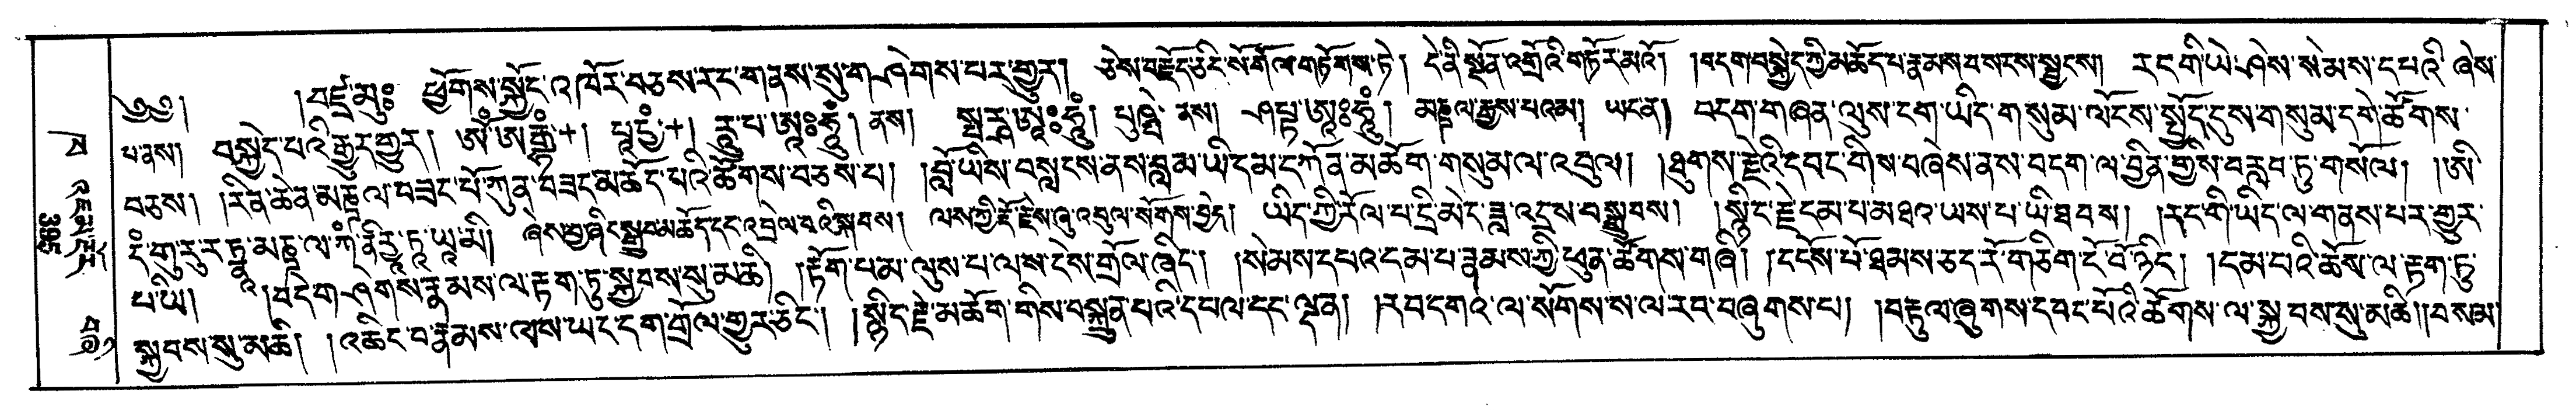༄༅། །བཛྲ་མུཿ ཕྱོགས་སྐྱོང་འཁོར་བཅས་རང་གནས་སུ་གཤེགས་པར་གྱུར། ཅེས་བརྗོད་ཅིང་སེ་གོལ་གཏོགས་ཏེ། དེ་ནི་སྔོན་འགྲོའི་གཏོར་མའོ། །བདག་བསྐྱེད་ཀྱི་མཆོད་པ་རྣམས་བསངས་སྦྱངས། རང་གི་ཡི་ཤེས་སེམས་དཔའི་ཞེས་
པ་ནས། བསྐྱེད་པའི་རྒྱུར་གྱུར། ཨོཾ་ཨ་རྒྷཾ་+། རཱུ་པ་ཨཱཿ ཧཱུཾ། ནས། སྤ་རྴ་ཨཱཿ ཧཱུཾ། པུཥྤེ་ནས། ཤྤྟ་ཨཱཿ ཧཱུཾ། མཎྜལ་རྒྱས་པའམ། ཡང་ན། བདག་གཞན་ལུས་ངག་ཡིད་གསུམ་ལོངས་སྤྱོད་དུས་གསུམ་དགེ་ཚོགས་
བཅས། །རིན་ཆེན་མཎྜལ་བཟང་པོ་ཀུན་བཟང་མཆོད་པའི་ཚོགས་བཅས་པ། །བློ་ཡིས་བསླངས་ནས་བླ་མ་ཡི་དམ་དཀོན་མཆོག་གསུམ་ལ་འབུལ། །ཐུགས་རྗེའི་དབང་གིས་བཞེས་ནས་བདག་ལ་བྱིན་གྱིས་བརླབ་ཏུ་གསོལ། །ཨི་
དཾ་གུ་རུ་རཏྣཱ་མཎྜལ་ལ་ཀཾ་ཎི་རྱཱ་ཏཱ་ཡཱ་མི། ཞེས་བྱ་ཞིང་སྒྲུབ་མཆོད་དང་འབྲེལ་བའི་སྐབས། ལས་ཀྱི་རྡོ་རྗེས་ཞུ་འབུལ་སོགས་བྱེད། ཡིད་ཀྱི་རོལ་པ་དྲི་མེད་ཟླ་འདྲས་བསྒྲུབས། །སྙིང་རྗེ་དམ་པ་མཐའ་ཡས་པ་ཡི་ཐབས། །རང་གི་ཡིད་ལ་གནས་པར་གྱུར་
པ་ཡི༑ །བདེ་གཤེགས་རྣམས་ལ་རྟག་ཏུ་སྐྱབས་སུ་མཆི། །རྟོག་པ་མ་ལུས་པ་ལས་ངེས་གྲོལ་ཞིང་། །སེམས་དཔའ་དམ་པ་རྣམས་ཀྱི་ཕུན་ཚོགས་གཞི། །དངོས་པོ་ཐམས་ཅད་རོ་གཅིག་ངོ་བོ་ཉིད། །དམ་པའི་ཆོས་ལ་རྟག་ཏུ་
སྐྱབས་སུ་མཆི། །འཆིང་བ་རྣམས་ལས་ཡང་དག་གྲོལ་གྱུར་ཅིང་། །སྙིང་རྗེ་མཆོག་གིས་བསྐྲུན་པའི་དཔལ་དང་ལྡན། །རབ་དགའ་ལ་སོགས་ས་ལ་རབ་བཞུགས་པ། །བརྩུལ་ཞུགས་དབང་པོའི་ཚོགས་ལ་སྐྱབས་སུ་མཚི། །བསམ་